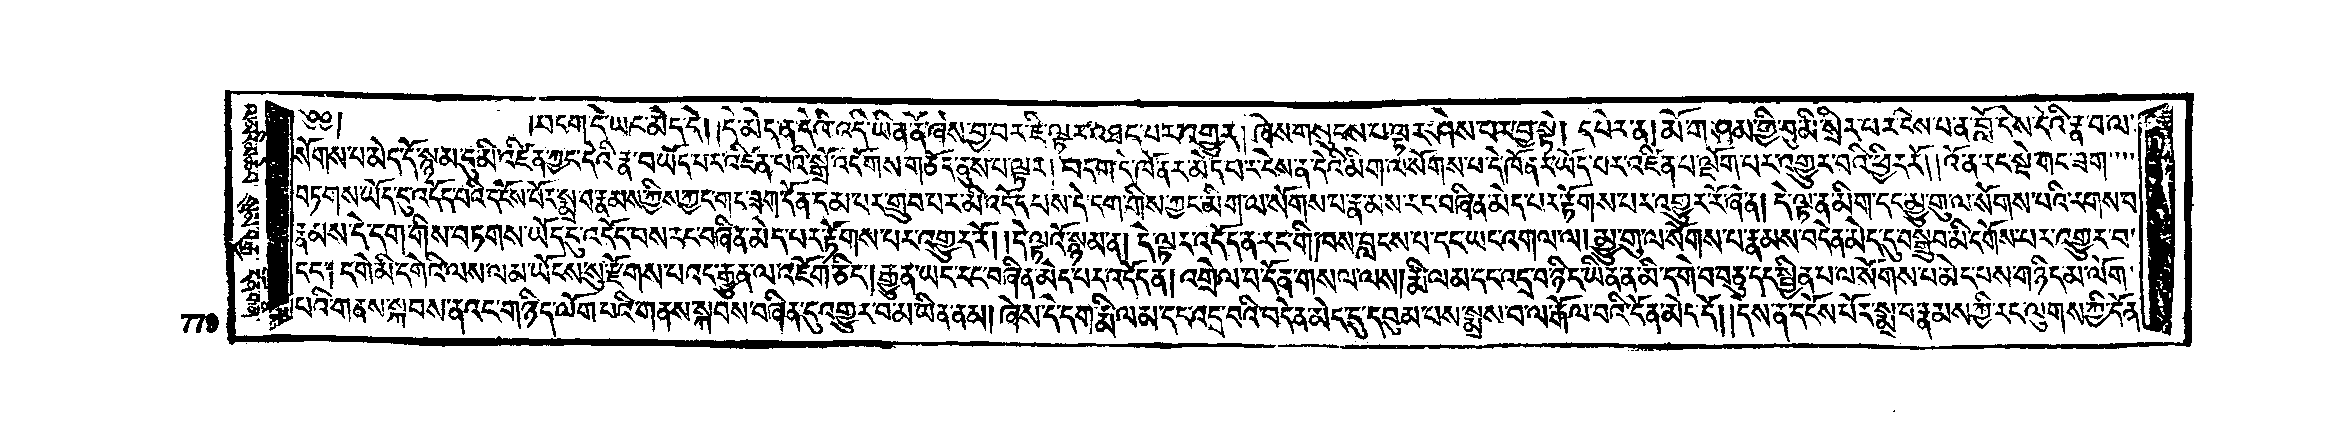༄༅། །བདག་དེ་ཡང་མེད་དེ། དེ་མེད་ན་དེའི་འདི་ཡིན་ནོ་ཞེས་བྱ་བར་ཇི་ལྟར་འཐད་པར་འགྱུར། ཞེས་གསུངས་པ་ལྟར་ཤེས་པར་བྱ་སྟེ། དཔེར་ན། མོ་གཤམ་གྱི་བུ་མི་སྲིད་པར་ངེས་པ་ན་བློ་དེས་དེའི་རྣ་བ་ལ་
སོགས་པ་མེད་དོ་སྙམ་དུ་མི་འཛིན་ཀྱང་དེའི་རྣ་བ་ཡོད་པར་འཛིན་པའི་སྒྲོ་འདོགས་གཅོད་ནུས་པ་ལྟར། བདག་དེ་ཁོ་ནར་མེད་པར་ངེས་ན་དེའི་མིག་ལ་སོགས་པ་དེ་ཁོ་ནར་ཡོད་པར་འཛིན་པ་ལྡོག་པར་འགྱུར་བའི་ཕྱིར་རོ། །འོ་ན་རང་སྡེ་གང་ཟག་
བཏགས་ཡོད་དུ་འདོད་པའི་དངོས་པོར་སྨྲ་བ་རྣམས་ཀྱིས་ཀྱང་གང་ཟག་དོན་དམ་པར་གྲུབ་པར་མི་འདོད་པས་དེ་དག་གིས་ཀྱང་མིག་ལ་སོགས་པ་རྣམས་རང་བཞིན་མེད་པར་རྟོགས་པར་འགྱུར་རོ་ཞེ་ན། དེ་ལྟ་ན་མིག་དང་མྱུ་གུ་ལ་སོགས་པའི་རགས་པ་
རྣམས་དེ་དག་གིས་བཏགས་ཡོད་དུ་འདོད་པས་རང་བཞིན་མེད་པར་རྟོགས་པར་འགྱུར་རོ། །དེ་ལྟའོ་སྙམ་ན། དེ་ལྟར་འདོད་ན་རང་གི་ཁས་བླངས་པ་དང་ཡང་འགལ་ལ། མྱུ་གུ་ལ་སོགས་པ་རྣམས་བདེན་མེད་དུ་བསྒྲུབ་མི་དགོས་པར་འགྱུར་བ་
དང༑ དགེ་མི་དགེའི་ལས་ལམ་ཡོངས་སུ་རྫོགས་པའང་རྒྱུན་ལ་འཇོག་ཅིང་། རྒྱུན་ཡང་རང་བཞིན་མེད་པར་འདོད་ན། འགྲེལ་པ་དོན་གསལ་ལས། རྨི་ལམ་དང་འདྲ་བ་ཉིད་ཡིན་ན་མི་དགེ་བ་བཅུ་དང་སྦྱིན་པ་ལ་སོགས་པ་མེད་པས་གཉིད་མ་ལོག་
པའི་གནས་སྐབས་ནའང་གཉིད་ལོག་པའི་གནས་སྐབས་བཞིན་དུ་འགྱུར་བ་མ་ཡིན་ནམ། ཞེས་དེ་དག་རྨི་ལམ་དང་འདྲ་བའི་བདེན་མེད་དུ་དབུ་མ་པས་སྨྲས་པ་ལ་རྒོལ་བའི་དོན་མེད་དོ། །དེས་ན་དངོས་པོར་སྨྲ་བ་རྣམས་ཀྱི་རང་ལུགས་ཀྱི་དོན་